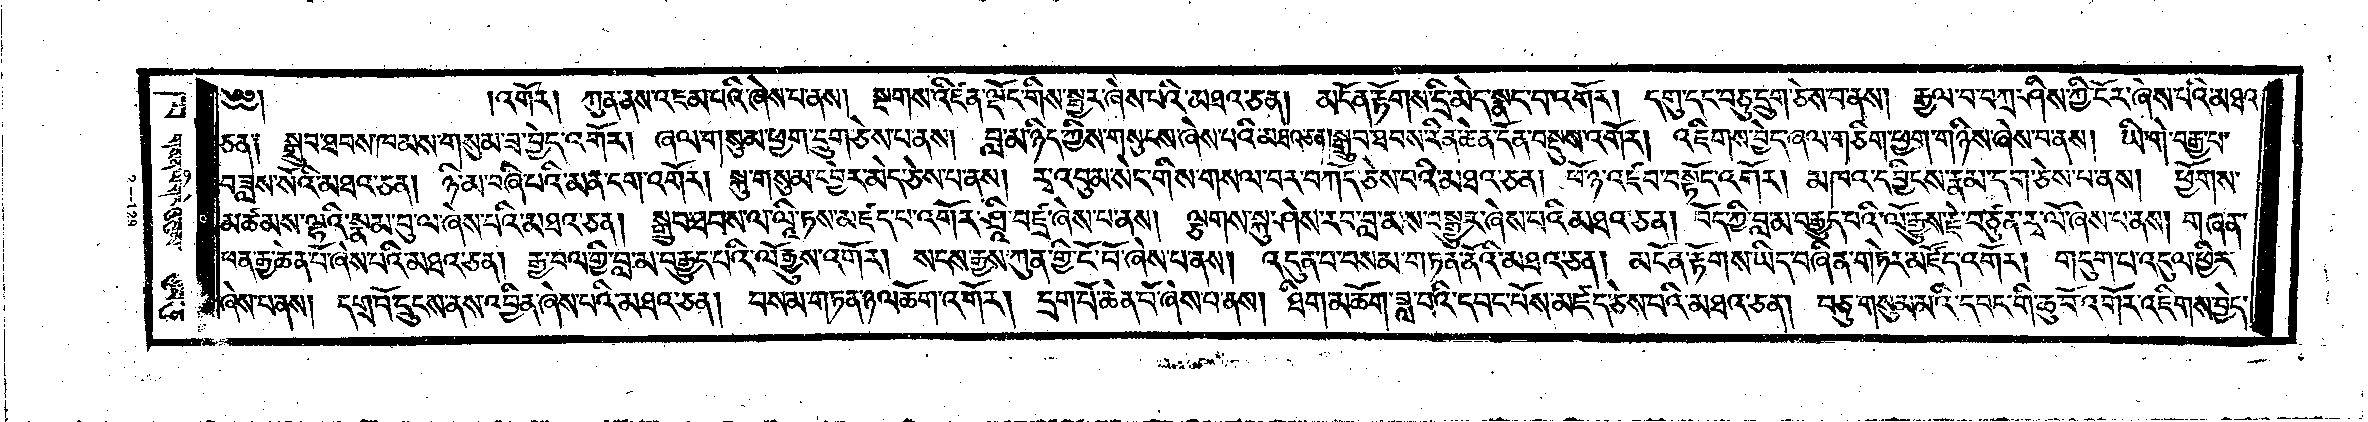༄༅། །འགོར། ཀུན་ནས་འཇམ་པའི་ཞེས་པ་ནས། སྔགས་འཛིན་ལྡོང་གིས་སྦྱར་ཞེས་པའི་མཐའ་ཅན། མངོན་རྟོགས་དྲི་མེད་སྣང་བ་འགོར། དགུ་དང་བཅུ་དྲུག་ཅེས་པ་ནས། རྒྱལ་བ་བཀྲ་ཤིས་ཀྱི་ངོར་ཞེས་པའི་མཐའ་
ཅན༑ སྒྲུབ་ཐབས་ཁམས་གསུམ་ཟ་བྱེད་འགོར། ཞལ་གསུམ་ཕྱག་དྲུག་ཅེས་པ་ནས། བླ་མ་ཉིད་ཀྱིས་གསུངས་ཞེས་པའི་མཐའ་ཅན། སྒྲུབ་ཐབས་རིན་ཆེན་དོན་བསྡུས་འགོར། འཇིགས་བྱེད་ཞལ་གཅིག་ཕྱག་གཉིས་ཞེས་པ་ནས། ཡི་གེ་བརྒྱ་པ་
བཟླས་སོའི་མཐའ་ཅན། ཉི་མ་བཞི་པའི་མན་ངག་འགོར། སྐུ་གསུམ་དབྱེར་མེད་ཅེས་པ་ནས། རྭ་འབུམ་སེང་གིས་གསལ་བར་བཀོད་ཅེས་པའི་མཐའ་ཅན། ཕོ་ཉ་འཛབ་བསྟོད་འགོར། མཁའ་དབྱིངས་རྣམ་དག་ཅེས་པ་ནས། ཕྱོགས་
མཚམས་ལྷའི་སྣམ་བུ་ལ་ཞེས་པའི་མཐའ་ཅན། སྒྲུབ་ཐབས་ལ་ལཱི་ཏས་མཛད་པ་འགོར་ཤྲཱི་བཛྲ་ཞེས་པ་ནས། ལྕགས་སྐུ་ཤེས་རབ་བླ་མས་བསྒྱུར་ཞེས་པའི་མཐའ་ཅན། བོད་ཀྱི་བླ་མ་བརྒྱུད་པའི་ལོ་རྒྱུས་རྗེ་བཙུན་རྭ་ལོ་ཞེས་པ་ནས། གཞན་
ཕན་རྒྱ་ཆེན་པོ་ཞེས་པའི་མཐའ་ཅན། རྒྱ་བལ་གྱི་བླ་མ་བརྒྱུད་པའི་ལོ་རྒྱུས་འགོར། སངས་རྒྱས་ཀུན་གྱི་ངོ་བོ་ཞེས་པ་ནས། འདུན་པ་བསམ་གཏན་ནོའི་མཐའ་ཅན། མངོན་རྟོགས་ཡིད་བཞིན་གཏེར་མཛོད་འགོར། གདུག་པ་འདུལ་ཕྱིར་
ཞེས་པ་ནས། དགྲ་བོ་དྲུངས་ནས་འབྱིན་ཞེས་པའི་མཐའ་ཅན། བསམ་གཏན་ཉལ་ཆོག་འགོར། དྲག་པོ་ཆེན་པོ་ཞེས་པ་ནས། ཐིག་མཆོག་ཟླ་བའི་དབང་པོས་མཛད་ཅེས་པའི་མཐའ་ཅན། བཅུ་གསུམ་མའི་དབང་གི་ཆུ་བོ་འགོར་འཇིགས་བྱེད་